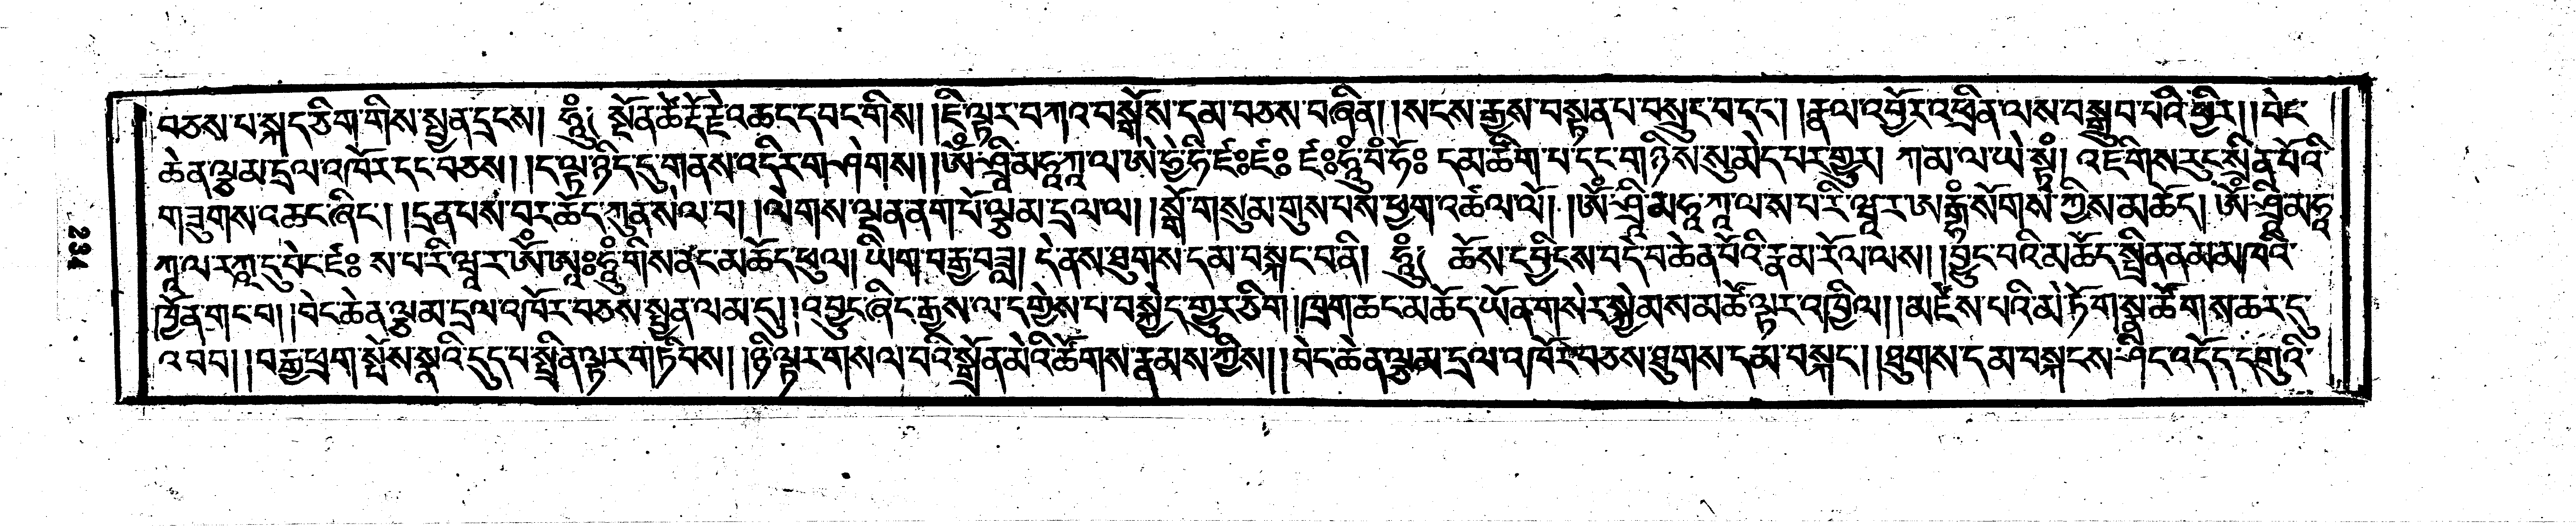བཅས་པ་སྐད་ཅིག་གིས་སྤྱན་དྲངས། ཧཱུཾ། སྔོན་ཚེ་རྡོ་རྗེ་འཆང་དབང་གིས། །ཇི་ལྟར་བཀའ་བསྒོས་དམ་བཅས་བཞིན། །སངས་རྒྱས་བསྟན་པ་བསྲུང་བ་དང་། །རྣལ་འབྱོར་འཕྲིན་ལས་བསྒྲུབ་པའི་ཕྱིར། །བེང་
ཆེན་ལྕམ་དྲལ་འཁོར་དང་བཅས། །ད་ལྟ་ཉིད་དུ་གནས་འདིར་གཤེགས། །ཨོཾ་ཤྲཱི་མཧཱ་ཀཱ་ལ་ཨེ་ཧྱེ་ཧི་ཛཿ ཛཿ ཛཿ ཧཱུཾ་བཾ་ཧོཿ དམ་ཚིག་པ་དང་གཉིས་སུ་མེད་པར་གྱུར། ཀ་མ་ལ་ཡེ་སྟྭཾ། འཇིགས་རུང་སྲིན་པོའི་
གཟུགས་འཆང་ཞིང་། །དྲན་པས་བར་ཆོད་ཀུན་སེལ་བ། །ལེགས་ལྡན་ནག་པོ་ལྕམ་དྲལ་ལ། །སྒོ་གསུམ་གུས་པས་ཕྱག་འཚལ་ལོ། །ཨོཾ་ཤྲི་མཧཱ་ཀཱ་ལ་ས་པ་རི་ཝཱ་ར་ཨརྒྷཾ་སོགས་ཀྱིས་མཆོད། ཨོཾ་ཤྲཱི་མཧཱ་
ཀཱ་ལ་རཀྵ་དུ་བེང་ཛཿ ས་པ་རི་ཝཱ་ར་ཨོཾ་ཨཱཿ ཧཱུཾ་གིས་ནང་མཆོད་ཕུལ། ཡིག་བརྒྱ་བཟླ། དེ་ནས་ཐུགས་དམ་བསྐང་བ་ནི། ཧཱུཾ། ཆོས་དབྱིངས་བདེ་བ་ཆེན་པོའི་རྣམ་རོལ་ལས། །བྱུང་བའི་མཆོད་སྤྲིན་ནམ་མཁའི་
ཁྱོན་གང་བ། །བེང་ཆེན་ལྕམ་དྲལ་འཁོར་བཅས་སྤྱན་ལམ་དུ། །འབྱུང་ཞིང་རྒྱས་ལ་དགྱེས་པ་བསྐྱེད་གྱུར་ཅིག །ཁྲག་ཆང་མཆོད་ཡོན་གསེར་སྐྱེམས་མཚོ་ལྟར་འཁྱིལ། །མཛེས་པའི་མེ་ཏོག་སྣ་ཚོགས་ཆར་དུ་
འབབ། །བརྒྱ་ཕྲག་སྤོས་སྣའི་དུད་པ་སྤྲིན་ལྟར་གཏིབས། །ཉི་ལྟར་གསལ་བའི་སྒྲོན་མེའི་ཚོགས་རྣམས་ཀྱིས། །བེང་ཆེན་ལྕམ་དྲལ་འཁོར་བཅས་ཐུགས་དམ་བསྐང་། །ཐུགས་དམ་བསྐངས་ཤིང་འདོད་དགུའི་